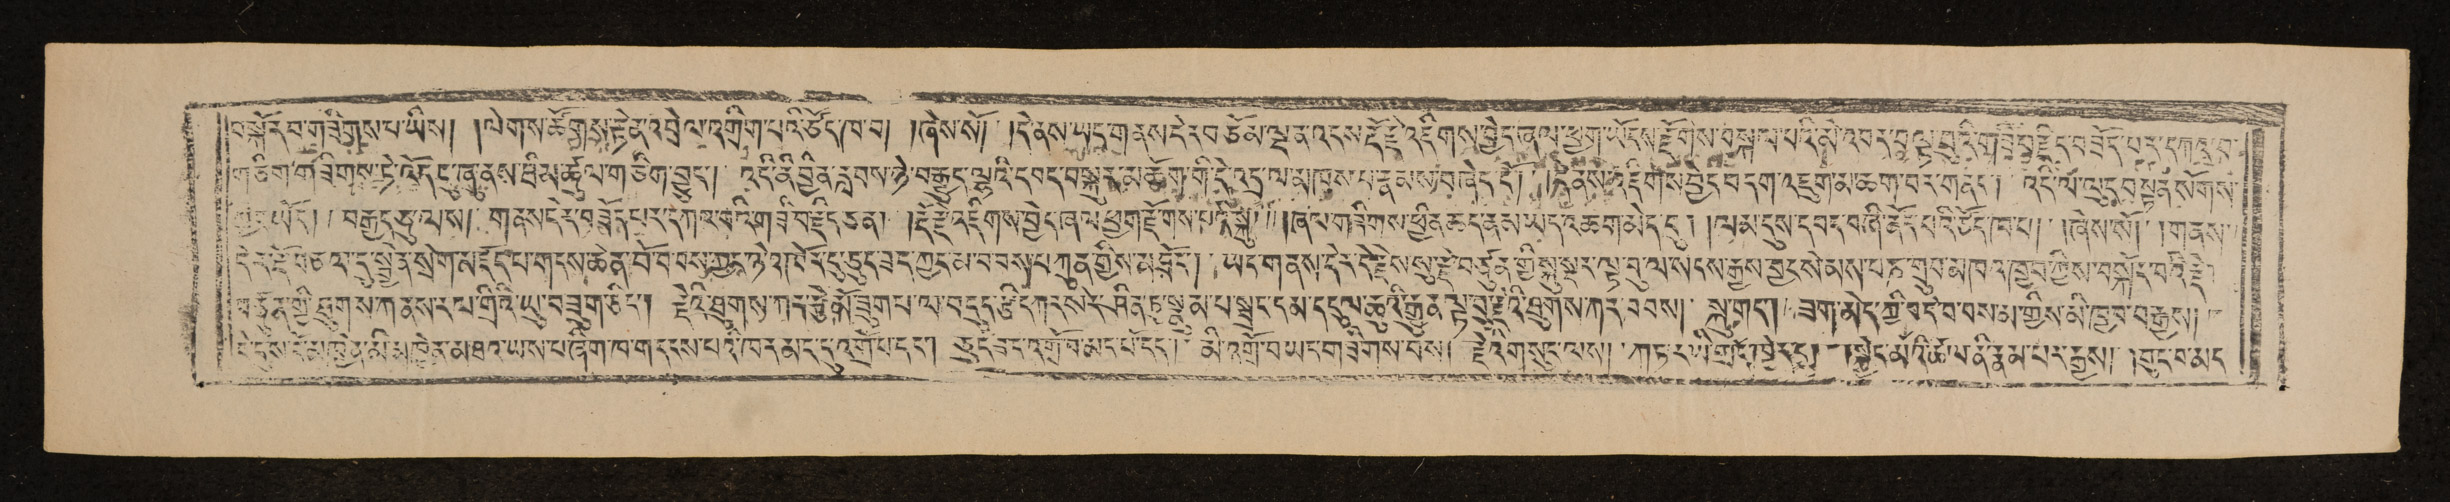བསྐོར་བ་གཟིགས་པ་ཡིས། །ལེགས་ཚོགས་རྟེན་འབྲེལ་འགྲིག་པའི་ཙོང་ཁ་པ། །ཞེས་སོ། །དེ་ནས་ཡང་གནས་དེར་བཅོམ་ལྡན་འདས་རྡོ་རྗེ་འཇིགས་བྱེད་ཞལ་ཕྱག་ཡོངས་རྫོགས་བསྐལ་པའི་མེ་འབར་བ་ལྟ་བུའི་གཟི་བརྗིད་བཟོད་པར་དཀའ་བ་
གཅིག་གཟིགས་ཏེ་འོད་དུ་ཞུ་ནས་ཐིམ་ཚུལ་གཅིག་བྱུང་། འདི་ནི་བྱིན་རླབས་ཉེ་བརྒྱུད་ལྷའི་དབང་བསྐུར་མཆོག་གི་དེ་འདྲ་ལ་མཁས་པ་རྣམས་བཞེད་དོ། །དེ་ནས་འཇིགས་བྱེད་བདག་འཇུག་མ་ཆག་པར་གནང་། འདི་ལ་ལུང་བསྟན་སོགས་
ཀྱང་ཡོད། བརྒྱད་ཅུ་ལས། གནས་དེར་བཟོད་པར་དཀའ་བའི་གཟི་བརྗིད་ཅན། །རྡོ་རྗེ་འཇིགས་བྱེད་ཞལ་ཕྱག་རྫོགས་པའི་སྐུ། །ཞལ་གཟིགས་ཕྱིན་ཆད་ནམ་ཡང་འཆག་མེད་དུ། །ལམ་དུས་དབང་བཞིན་ནོད་པའི་ཙོང་ཁ་པ། །ཞེས་སོ། །གནས་
དེར་རྡོ་བཅལ་སུ་སྦྱིན་སྲེག་མཛད་པ་གངས་ཆེན་པོ་བབས་ཀྱང་ཉེ་འཁོར་དུ་ཅུང་ཟད་ཀྱང་མ་བབས་པ་ཀུན་གྱིས་མཐོང་། ཡང་གནས་དེར་དེ་རྗེས་སུ་རྗེ་བཙུན་གྱི་སྐུ་སྔར་ལྟ་བུ་ལ་སངས་རྒྱས་བྱང་སེམས་པཎ་གྲུབ་མཁའ་ཁྱབ་ཀྱིས་བསྐོར་བའི་རྗེ་
བཙུན་གྱི་ཐུགས་ཀ་ནས་རལ་གྲིའི་ཡུ་བ་ཟུག་ཅིང་། རྗེའི་ཐུགས་ཀར་རྩེ་མོ་ཟུག་པ་ལ་བདུད་རྩི་དཀར་སེར་ཤིན་ཏུ་སྣུམ་པ་སྤྲང་དམ་དངུལ་ཆུའི་རྒྱུན་ལྟ་བུ་རྗེའི་ཐུགས་ཀར་བབས། སྐུ་གང་། ཟག་མེད་ཀྱི་བདེ་བ་བསམ་གྱིས་མི་ཁྱབ་བརྒྱས།
དེ་དུས་ངོ་མཁྱེན་མི་མཁྱེན་མཐའ་ཡས་པ་ཞིག་ཁ་གདངས་པའི་ཁར་མང་དུ་འགྲོ་བ་དང་། ཅུང་ཟད་འགྲོ་བ་མང་པོ་དང་། མི་འགྲོ་བ་ཡང་གཟིགས་པས། རྗེའི་གསུང་ལས། ཀ་ཏ་ར་ཡི་གྲོང་ཁྱེར་དུ། །སྐྱེད་མོའི་ཚལ་ནི་རྣམ་པར་རྒྱས། །བུང་བ་མང་